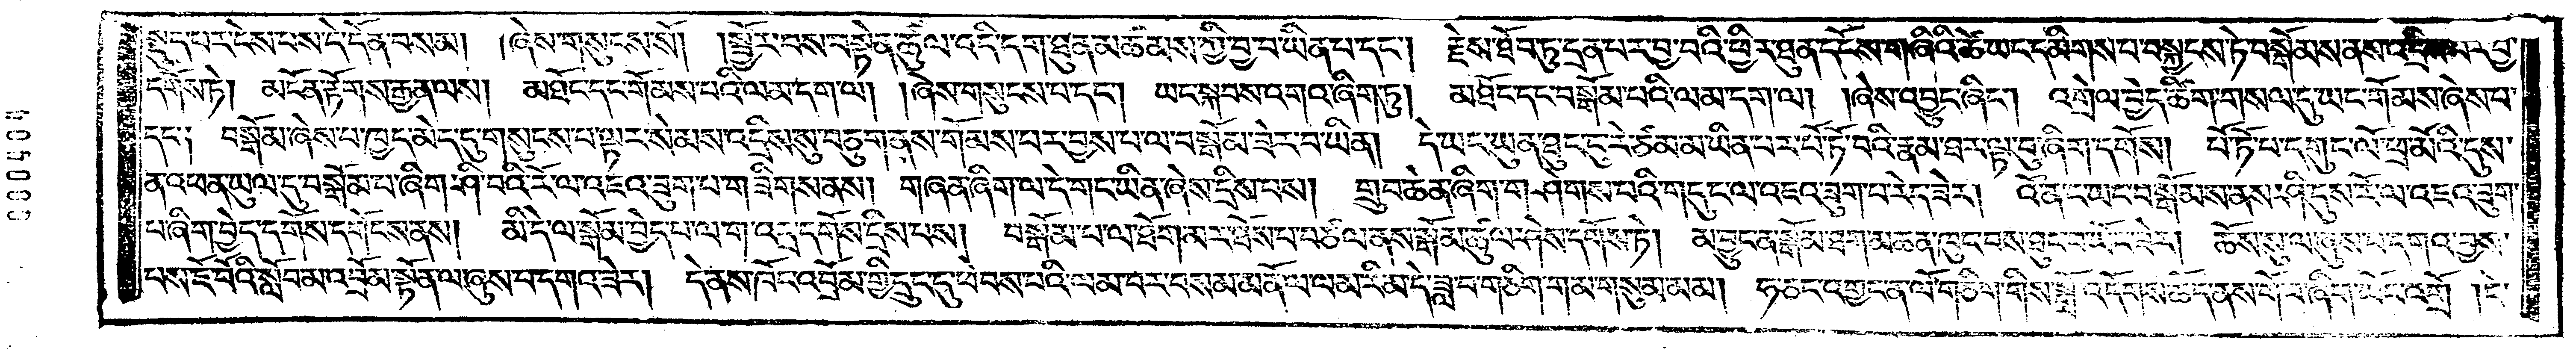སྡུད་པར་ངེས་པས་དེ་དོན་བསམ། །ཞེས་གསུངས་སོ། །སྦྱོར་བས་བསྟེན་ཚུལ་འདི་དག་ཐུན་མཚམས་ཀྱི་བྱ་བ་ཡིན་པ་དང་། རྗེས་ཐོབ་ཏུ་དྲན་པར་བྱ་བའི་ཕྱིར་ཐུན་དངོས་གཞིའི་ཚེ་ཡང་དམིགས་པ་བསྐྱངས་ཏེ་བསྒོམས་ནས་འདྲེས་བར་བྱ་
དགོས་ཏེ། མངོན་རྟོགས་རྒྱན་ལས། མཐོང་དང་གོམས་བའི་ལམ་དག་ལ། །ཞེས་གསུངས་པ་དང་། ཡང་སྐབས་འགའ་ཞིག་ཏུ། མཐོང་དང་བསྒོམ་པའི་ལམ་དག་ལ། །ཞེས་འབྱུང་ཞིང་། འགྲེལ་བྱེད་ཆག་གསལ་དུ་ཡང་གོམས་ཞེས་པ་
དང༑ བསྒོམ་ཞེས་པ་ཁྱད་མེད་དུ་གསུངས་པ་ལྟར་སེམས་འདྲིས་སུ་བཅུག་ནས་གོམས་པར་བྱས་པ་ལ་བསྒོམ་ཟེར་བ་ཡིན། དེ་ཡང་ཡུན་ཐུང་དུ་རེ་ཙམ་མ་ཡིན་པར་པོ་ཏོ་བའི་རྣམ་ཐར་ལྟ་བུ་ཞིག་དགོས། པོ་ཏོ་པ་དགུང་ལོ་ཕྲ་མོའི་དུས་
ན་འཕན་ཡུལ་དུ་བསྒོམ་པ་ཞིག་ཤི་བའི་རོལ་འཇའ་ཟུག་པ་གཟིགས་ནས། གཞན་ཞིག་ལ་དེ་གང་ཡིན་ཞེས་དྲིས་པས། གྲུབ་ཆེན་ཞིག་གཤེགས་པའི་གདུང་ལ་འཇའ་ཟུག་པ་རེད་ཟེར། འོ་ན་ང་ཡང་བསྒོམས་ནས་ཤི་དུས་རོ་ལ་འཇའ་ཟུག་
པ་ཞིག་བྱེད་དགོས་དགོངས་ནས། མི་དེ་ལ་སྒོམ་བྱེད་པ་ལ་ག་འདྲ་དགོས་དྲིས་པས། བསྒོམ་པ་ལ་ཐོག་མར་ཐོས་པ་བཙལ་ནས་སྒོམ་ཚུལ་ཤེས་དགོས་ཏེ། མ་བྱུང་ན་སྒོམ་ཐག་མཆན་ཁུང་བས་ཐུང་བ་ཡོང་ཟེར། ཆོས་སུ་ལ་ཞུས་པ་དགའ་བྱས་
པས་ཇོ་བོའི་སློབ་མ་འབྲོམ་སྟོན་ལ་ཞུས་པ་དགའ་ཟེར། དེ་ནས་ཁོང་འབྲོམ་གྱི་དྲུང་དུ་ཕེབས་པའི་ལམ་བར་བསམ་མནོ་ལ་ལམ་རིམ་དེ་ཟླ་བ་གཅིག་གམ་གསུམ་མམ། ཧ་ཅང་འགྱང་ན་ལོ་གཅིག་གིས་སྒྲོ་འདོགས་ཆོད་ནས་གོ་བ་ཞིག་ཡོང་འགྲོ་།དེ་